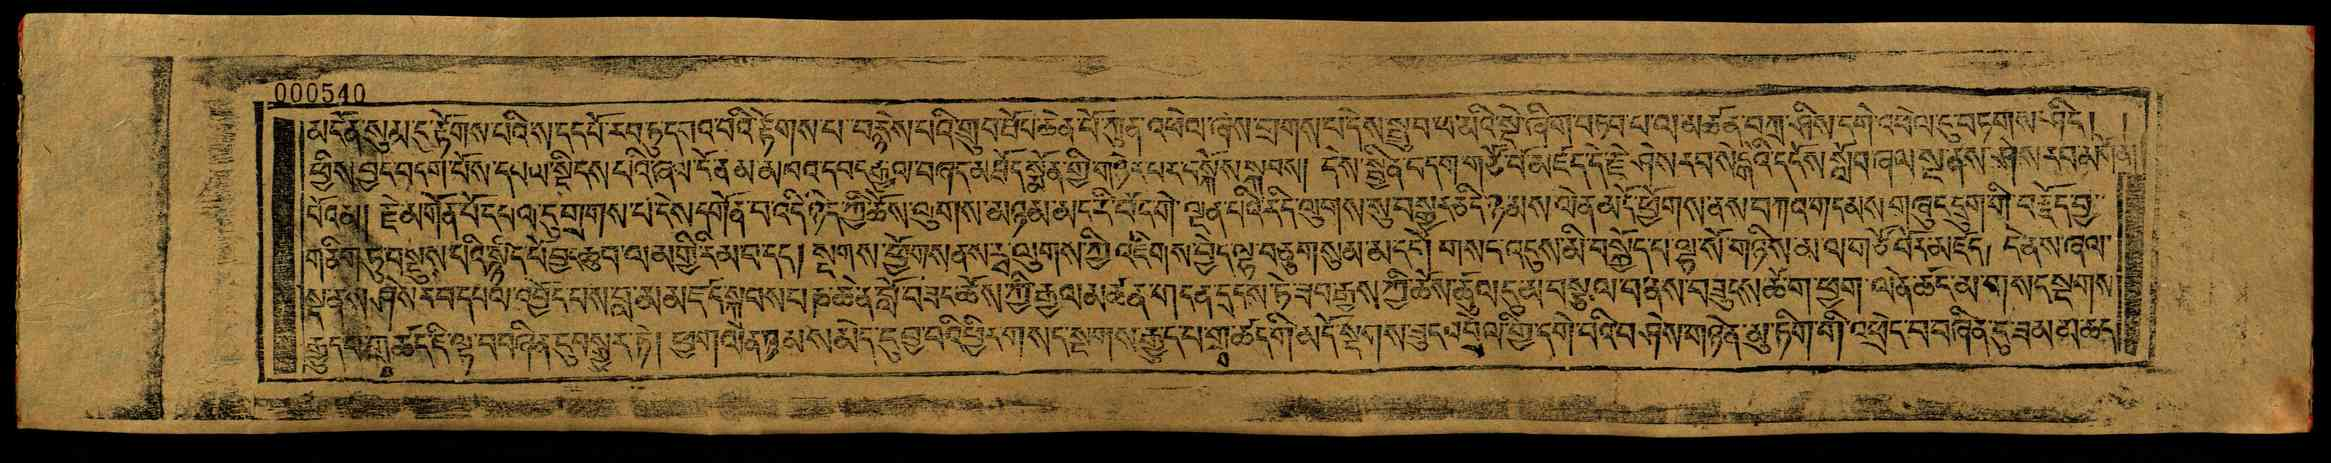མངོན་སུམ་དུ་རྟོགས་པའི་ས་དང་པོ་རབ་ཏུ་དགའ་བའི་རྟོགས་པ་བརྙེས་པའི་གྲུབ་ཐོབ་ཆེན་པོ་ཀུན་འཕེལ་ཞེས་གྲགས་པ་དེས་སྒྲུབ་པ་མའི་སྡེ་ཞིག་བཏབ་པ་ལ་མཚན་བཀྲ་ཤིས་དགེ་འཕེལ་དུ་བཏགས་ཤིང་།
ཕྱིས་བྱང་བདག་པོས་དཔལ་སྡིངས་པའི་ཞལ་དོ་ནམ་མཁའ་དབང་རྒྱལ་བཞད་མཐོང་སྨོན་གྱི་གཉེར་པར་བསྐོས་སྐབས། དེས་སྦྱིན་བདག་གཙོ་བོ་མཛད་དེ་རྗེ་་་ཤེས་རབ་སེངྒེའི་དངོས་སློབ་ཞལ་་་སྔ་ནས་ཤེས་རབ་མགོན་
པོའམ། རྗེ་མགོན་པོ་དཔལ་དུ་གྲགས་པ་དེས་དགོན་པ་འདི་ཉིད་ཀྱི་ཆོས་ལུགས་མཉམ་མེད་རི་བོ་དགེ་ལྡན་པའི་རིང་ལུགས་སུ་བསྒྱུར་ཅིང་ཉམས་ལེན་མདོ་ཕྱོགས་ནས་བཀའ་གདམས་གཞུང་དྲུག་གི་བརྗོད་བྱ་
གཅིག་ཏུ་བསྡུས་པའི་སྙིང་པོ་བྱང་ཆུབ་ལམ་གྱི་རིམ་པ་དང་། སྔགས་ཕྱོགས་ནས་རྭ་ལུགས་ཀྱི་འཇིགས་བྱེད་ལྷ་བཅུ་གསུམ་མ་དང་། གསང་འདུས་མི་བསྐྱོད་པ་ལྷ་སོ་གཉིས་མ་ལ་གཙོ་བོར་མཛད། དེ་ནས་ཞལ་
སྔ་ནས་ཤེས་རབ་དཔལ་འབྱོར་བས་བླ་མ་མཛད་སྐབས་པཎ་ཆེན་བློ་བཟང་ཆོས་ཀྱི་རྒྱལ་མཚན་གདན་དྲངས་ཏེ་ཟབ་རྒྱས་ཀྱི་ཆོས་ཚུལ་དུ་མ་བསྩལ་བ་ནས་བཟུངས་ཆོ་ག་ཕྱག་ལེན་ཚང་མ་གསང་སྔགས་
རྒྱུད་པ་གྲྭ་ཚང་ཇི་ལྟ་བ་བཞིན་དུ་བསྒྱུར་ཏེ། ཕྱག་ལེན་ཉམས་མེད་དུ་བྱ་བའི་ཕྱིར་གསང་སྔགས་རྒྱུད་པ་གྲྭ་ཚང་གི་མདོ་སྔགས་ཟུང་འབྲེལ་གྱི་དགེ་བའི་བཤེས་གཉེན་མུ་ཏིག་གི་འཕྲེང་བ་བཞིན་དུ་ཟམ་མ་ཆད་